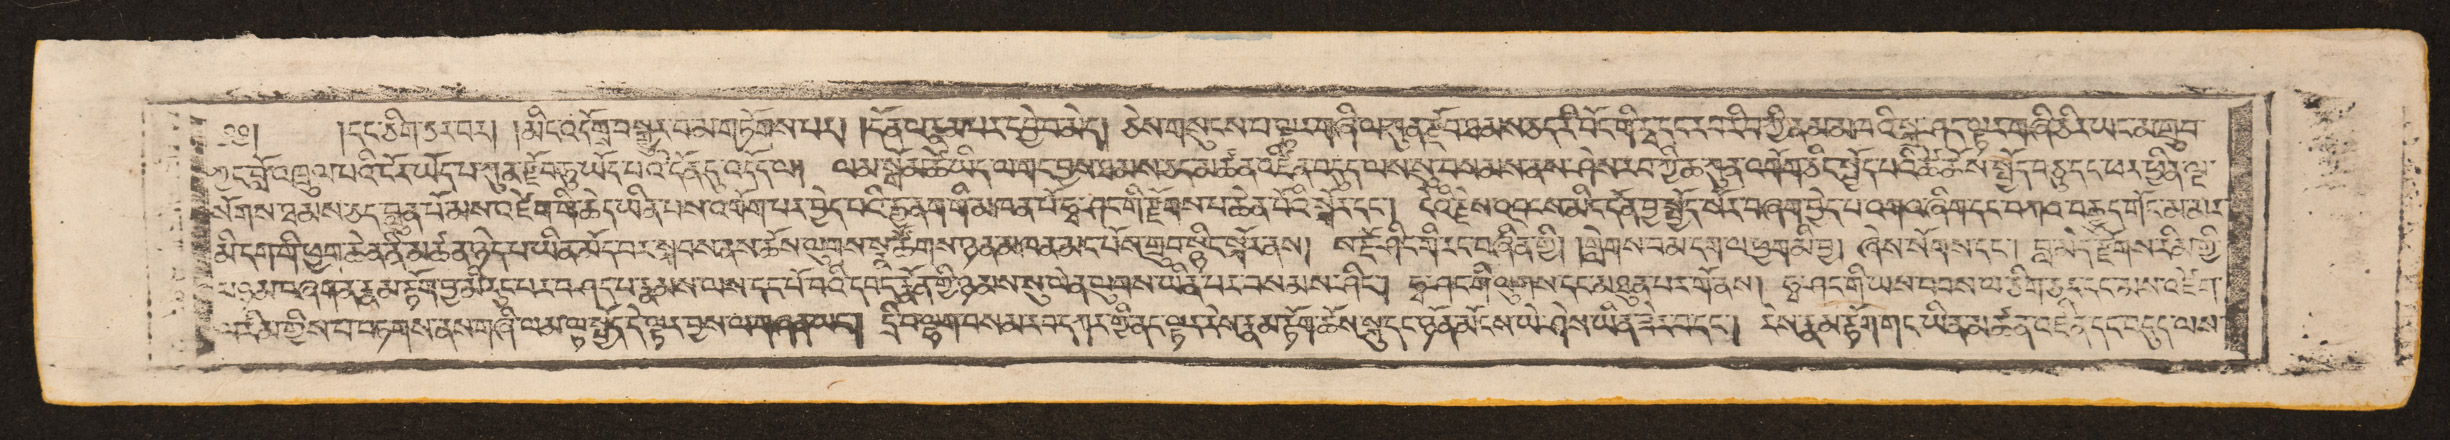༄༅། །དང་ཅིག་ཅར་བར། །མིང་འདོགས་བསྒྱུར་བ་མ་གཏོགས་པར། །དོན་ལ་རྣམ་པར་དབྱེ་བ་མེད། ཅེས་གསུངས་པ་ལྟར་གཞི་ལ་ཀུན་རྫོབ་ཐམས་ཅད་རི་བོང་གི་རྭ་དང་རབ་རིབ་ཀྱི་ན་མ་མཁའི་སྐྲ་བཤད་ལྟར་གཞི་ཅིར་ཡང་མ་གྲུབ་
ཀྱང་བློ་འཁྲུལ་བའི་དོར་ཡོད་པ་ཀུན་རྫོབ་ཏུ་ཡོད་པའི་དོན་དུ་འདོད་ལ། ལམ་སྒོམ་ཚེ་ཡིད་ལ་གང་བྱས་ཐམས་ཅད་མཚན་འཛིན་བདུད་ལས་སུ་བསམས་ནས་ཤེས་རབ་ཀྱི་ཆ་ཀུན་འགོག་ཅིང་སྦྱོད་པའི་ཚེ་ཆོས་སྤྱོད་བཅུ་དང་ཕར་ཕྱིན་ལྔ་
སོགས་ཐམས་ཅད་བླུན་པོ་མས་འཇོག་གི་ཆེད་ཡིན་པས་འགོག་པར་བྱེད་པའི་རྒྱ་ནག་གི་མཁན་པོ་ཧྭ་ཤང་གི་རྫོགས་པ་ཆེན་པོའི་སྐོར་དང་། དེའི་རྗེས་འབྲངས་མིང་དོན་བྱ་སྤྱོད་སོར་བཞག་བྱེད་པ་འགའ་ཞིག་དང་བཀའ་བརྒྱུད་གོང་མ་མར་
མི་དག་གི་ཕྱག་ཆེན་ནི་མཚན་ཉིད་པ་ཡིན་མོད་བར་སྐབས་ནས་ཆོས་ལུགས་སྣ་ཚོགས་ཉན་མཁན་མང་པོས་གྲུབ་སྙིང་སྐོར་ནས། ས་རྡོ་ཤིང་གི་རང་བཞིན་གྱི། །གླེགས་བམ་དག་ལ་ཕྱག་མི་བྱ། ཞེས་སོགས་དང་། བླ་མེད་རྫོགས་རིམ་གྱི་
མཉམ་བཞག་ན་རྣམ་རྟོག་བྱ་མི་རུང་པར་བཤད་པ་རྣམས་ལས་དང་པོ་བའི་དབང་རྣོན་གྱི་ཉམས་སུ་ལེན་ལུགས་ཡིན་པར་བསམས་ཤིང་། ཧྭ་ཤང་གི་ལུགས་དང་མཐུན་པར་གོ་ནས། ཧྭ་ཤང་གི་ཡས་བབས་ལ་ཅིག་ཅར་དང་མས་འཛེག་
ལ་རིམ་གྱིས་པ་བཏགས་ནས་གཞི་ལམ་ལྟ་སྤྱོད་དེ་ལྟར་བྱས་ལ་གཞན་ཡང་། དྲི་བ་ལྷག་བསམ་རབ་དཀར་གྱི་ནང་ལྟར་རེས་རྣམ་རྟོག་ཆོས་སྐུ་དང་ཉོན་མོངས་ཡེ་ཤེས་ཡིན་ཟེར་བ་དང་། རེས་རྣམ་རྟོག་གང་ཡིན་མཚན་འཛིན་དང་བདུད་ལས་